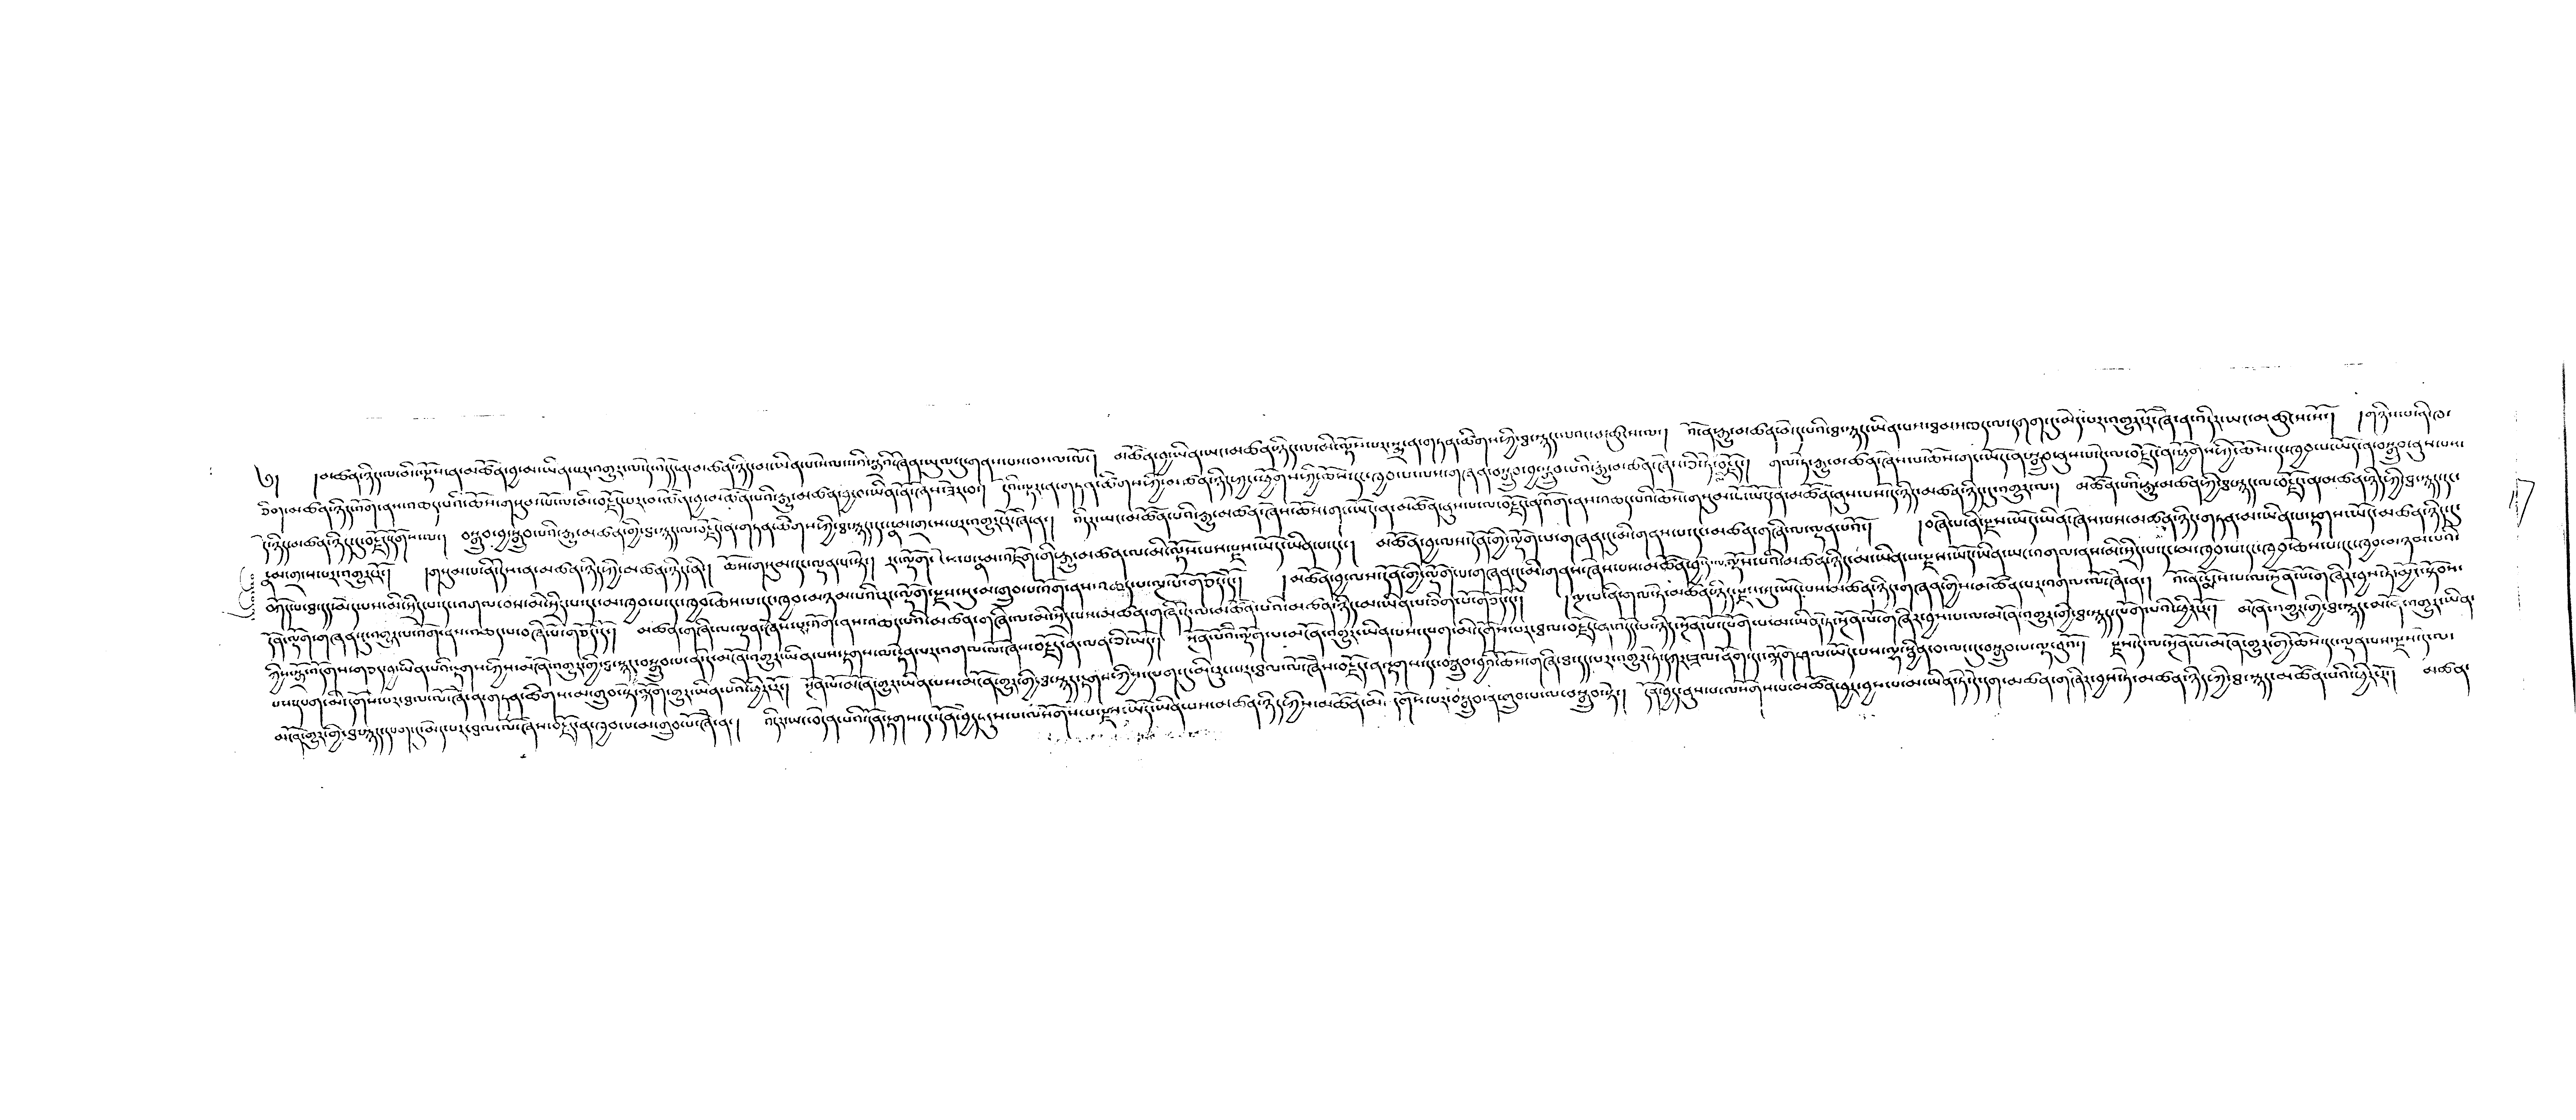༈། །མཚན་ཉིད་ལ་མི་ལྟོས་ན་མཚོན་བྱ་མ་ཡིན་པར་འགྱུར་ལ་དེ་འདོད་ན་མཚན་ཉིད་མ་ཡིན་པ་སེལ་པའི་སྒྲའི་ཞེན་ཡུལ་དུ་གནས་པས་བསལ་ལོ། མཚོན་བྱ་ཡིན་ཡང་མཚན་ཉིད་ལ་མི་ལྟོས་པར་སྒྲ་ན་གཏན་ཚིགས་ཀྱི་ཐ་སྙད་པའང་མཚུངས་ལ། འོ་ན་རྒྱུ་མཚན་མེད་པའི་ཐ་སྙད་ཡིན་པས་ཐམས་ཅད་ལ་དགག་དུ་མེད་པར་འགྱུར་རོ་ཞེ་ན་འདིར་ཡང་མཚུངས་སོ། །གཉིས་པ་ནི་ཁ་
ཅིག་མཚན་ཉིད་འོག་ནས་འཆད་པའི་ཆོས་གསུམ་པོ་ལ་མི་བརྗོད་པར་མཚོན་བྱ་མཚོན་པའི་རྒྱུ་མཚན་བྱ་བ་ཡིན་ནོ་ཞེས་ཟེར་བ། དེའི་ལྟར་ན་གཏན་ཚིགས་ཀྱི་མཚན་ཉིད་ཀྱང་ཕྱོགས་ཀྱི་ཆོས་དང་ཁྱབ་པ་ལས་གཞན་བསྒྲུབ་བྱ་སྒྲུབ་པའི་རྒྱུ་མཚན་ཞེས་ཅི་ཏེ་མི་བརྗོད། གལ་ཏེ་རྒྱུ་མཚན་ཞེས་པ་ཆོས་གང་ཡོད་ན་སྒྲུབ་ནུས་པ་དེ་ལ་བརྗོད་ན་ཕྱོགས་ཀྱི་ཆོས་དང་ཁྱབ་པ་ཡོད་ན་བསྒྲུབ་ནུས་པས་
དེ་ཉིད་མཚན་ཉིད་དུ་བརྗོད་དགོས་ལ། བསྒྲུབ་བྱ་སྒྲུབ་པའི་རྒྱུ་མཚན་གྱི་ཐ་སྙད་ལ་བརྗོད་ན་གཏན་ཚིགས་ཀྱི་ཐ་སྙད་དང་རྣམ་གྲངས་པར་འགྱུར་རོ་ཞེ་ན། འདིར་ཡང་མཚོན་པའི་རྒྱུ་མཚན་ཞེས་ཆོས་གང་ཡོད་ན་མཚོན་ནུས་པ་ལ་བརྗོད་ན་འོག་ནས་འཆད་པའི་ཆོས་གསུམ་པོ་ཡོད་ན་མཚོན་ནུས་པས་དེ་ཉིད་མཚན་ཉིད་དུ་འགྱུར་ལ། མཚོན་པའི་རྒྱུ་མཚན་ཀྱི་ཐ་སྙད་ལ་བརྗོད་ན་མཚན་ཉིད་ཀྱི་ཐ་སྙད་དང་
རྣམ་གྲངས་པར་འགྱུར་རོ། །གསུམ་པ་ནི་དེས་ན་མཚན་ཉིད་ཀྱི་མཚན་ཉིད་ནི། ཆོས་གསུམ་དང་ལྡན་པ་སྟེ། རང་ལྡོག་ངེས་པ་རྣམ་འཇོག་གི་རྒྱུ་མཚན་ལ་མི་ལྟོས་པས་རྫས་ཡོད་ཡིན་པ་དང་། མཚོན་བྱ་ལས་དོན་གྱི་ལྡོག་པ་གཞན་དུ་མི་གནས་པ་དང་མཚན་གཞི་ལ་ལྡན་པའོ། །བཞི་པ་ནི་རྫས་ཡོད་ཡིན་ཞེས་པས་མཚན་ཉིད་གཏན་མ་ཡིན་པ་རྟགས་ཡོད་མཚན་ཉིད་དུ་
བཀོད་པ་ཐ་དད་མེད་པས་མི་སྲིད་པ་དང་འགལ་བས་མི་སྲིད་པ་དང་མ་ཁྱབ་པ་དང་ཁྱབ་ཆེས་པ་དང་ཁྱབ་མཉམ་པའི་རང་ལྡོག་རྫས་སུ་མ་གྲུབ་པ་འོག་ནས་འཆད་པ་ལྔ་པོ་གཅོད་དོ། །མཚོན་བྱ་ལས་དོན་གྱི་ལྡོག་པ་གཞན་དུ་མི་གནས་ཞེས་པས་མཚོན་བྱ་དེ་ལ་ལྟོས་པའི་མཚན་ཉིད་མ་ཡིན་པ་རྫས་ཡོད་ཡིན་ཡང་འགལ་ནས་མི་སྲིད་པ་དང་མ་ཁྱབ་པ་དང་ཁྱབ་ཆེས་པ་དང་ཁྱབ་བ་ཉམ་པའི་
དོན་ལྡོག་གཞན་དུ་འགྱུར་པ་འོག་ནས་འཆད་པ་བཞི་པོ་གཅོད་དོ། མཚན་གཞི་ལ་ལྡན་ཞེས་པས་འོག་ནས་འཆད་པའི་མཚན་གཞི་ལ་མི་སྲིད་པས་མཚན་གཞི་དེ་ལ་མཚོན་པའི་མཚན་ཉིད་མ་ཡིན་པ་ཅིག་པོ་གཅོད་དོ། །ལྔ་པ་ནི་གལ་ཏེ་མཚོན་ཉིད་རྫས་སུ་ཡོད་པས་མཚན་ཉིད་གཞན་གྱིས་མཚོན་པར་འགལ་ལོ་ཞེ་ན། འོ་ན་རྨོངས་པ་ལ་སྔོན་པོ་གཞིར་བྱས་ཏེ་མྱོང་སྟོབས་
ཀྱིས་སྒྲོ་འདོགས་གཅད་བྱ་ཡིན་པའི་རྟགས་ཀྱིས་མངོན་འགྱུར་གྱི་ཐ་སྙད་བསྒྲུབ་པ་ན་དེ་མངོན་འགྱུར་ཡིན་པས་རྟགས་མ་རྟེན་པར་འགལ་ལོ་ཞེས་བརྗོད་ན་ལན་ཅི་ཡོད། སྔོན་པོའི་ལྡོག་པ་མངོན་འགྱུར་ཡིན་པས་དཔག་མི་དགོས་པར་ཐལ་བརྗོད་ན་འདོད་པ་ཉིད་སྔོན་པོ་དཔོག་པ་མ་ཡིན་ཏེ་སྔོན་པོ་གཞིར་བྱས་པ་ལ་མངོན་འགྱུར་གྱི་ཐ་སྙད་དཔོག་པའི་ཕྱིར་རོ། མངོན་འགྱུར་གྱི་ཐ་སྙད་མངོན་འགྱུར་ཡིན་
པས་དཔག་མི་དགོས་པར་ཐལ་ལོ་ཞེ་ན་གཏན་ཚིགས་མ་གྲུབ་སྟེ་ལྐོག་གྱུར་ཡིན་པའི་ཕྱིར་རོ། སྔོན་པོ་མངོན་གྱུར་ཡིན་པས་མངོན་གྱུར་གྱི་ཐ་སྙད་རྟགས་ཀྱིས་དཔག་དུ་མི་རུང་པར་ཐལ་ལོ་ཞེས་བརྗོད་ན་རྟགས་དང་བསྒྲུབ་བྱའི་ཆོས་གཞི་ཐ་དད་པར་འགྱུར་ཏེ་དཀར་ཟལ་ནོག་དང་ལྐོག་ཤལ་ཡོད་པས་ལྷ་སྦྱིན་བ་ལང་དུ་བསྒྲུབ་པ་ལྟ་བུའོ། རྫས་དེ་ལ་སྔོན་པོ་མངོན་གྱུར་གྱི་ཆོས་དང་ལྡན་པས་རྫས་དེ་ལ་
མངོན་གྱུར་གྱི་ཐ་སྙད་དཔག་དུ་མེད་པར་ཐལ་ལོ་ཞེས་བརྗོད་ན་ཁྱབ་པ་མ་གྲུབ་པོ་ཞེ་ན། འདིར་ཡང་བདེན་པའི་དོན་རྟགས་དང་དོན་བྱེད་དུས་པ་ལ་སོགས་པ་རྫས་ཡོད་ཡིན་པས་མཚན་ཉིད་ཀྱིས་མཚོན་མི་དགོས་པར་བསྒྲུབ་ན་གྲུབ་པ་ལ་བསྒྲུབ་སྟེ། དོན་བྱེད་ནུས་པ་ལ་སོགས་པ་མཚོན་བྱར་བྱས་པ་མ་ཡིན་ཏེ་དེ་དག་མཚན་གཞིར་བྱས་ཏེ་མཚན་ཉིད་ཀྱི་ཐ་སྙད་མཚོན་པའི་ཕྱིར་རོ། མཚན་